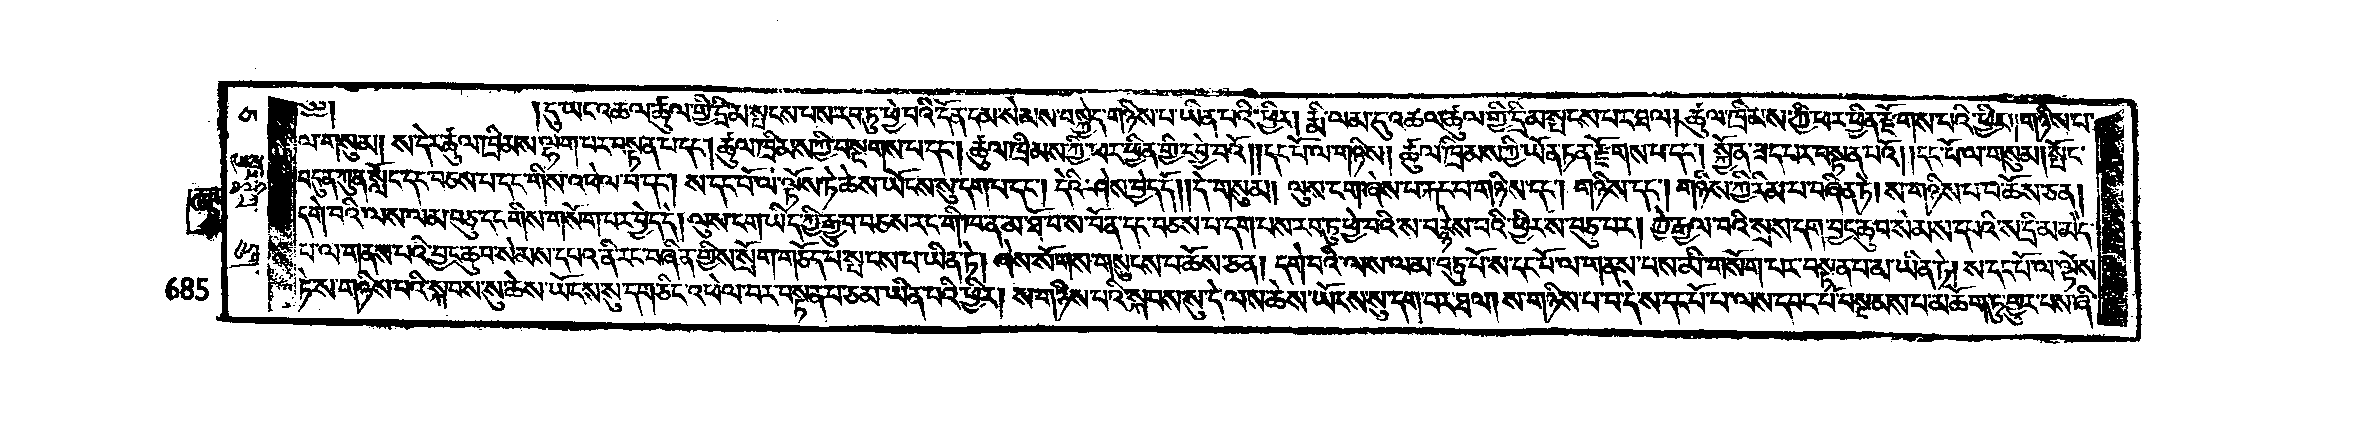༄༅། །དུ་ཡང་འཆལ་ཚུལ་གྱི་དྲི་མ་སྤངས་པས་རབ་ཏུ་ཕྱེ་བའི་དོན་དམ་སེམས་བསྐྱེད་གཉིས་པ་ཡིན་པའི་ཕྱིར། རྨི་ལམ་དུ་འཚལ་ཚུལ་གྱི་དྲི་མ་སྤངས་པར་ཐལ། ཚུལ་ཁྲིམས་ཀྱི་ཕར་ཕྱིན་རྫོགས་པའི་ཕྱིར། །གཉིས་པ་
ལ་གསུམ། ས་དེར་ཚུལ་ཁྲིམས་ལྷག་པར་བསྟན་པ་དང་། ཚུལ་ཁྲིམས་ཀྱི་བསྔགས་པ་དང་། ཚུལ་ཁྲིམས་ཀྱི་ཕར་ཕྱིན་གྱི་དབྱེ་བའོ། །དང་པོ་ལ་གཉིས། ཚུལ་ཁྲིམས་ཀྱི་ཡོན་ཏན་རྫོགས་པ་དང་། སྐྱོན་ཟད་པར་བསྟན་པའོ། །དང་པོ་ལ་གསུམ། སྤོང་
བདུན་ཀུན་སློང་དང་བཅས་པ་དང་གིས་འཕེལ་བ་དང་། ས་དང་པོ་ལ་ལྟོས་ཏེ་ཆེས་ཡོངས་སུ་དག་པ་དང་། དེའི་ཤེས་བྱེད་དོ། །དེ་གསུམ། ལུས་ངག་ཞེས་པ་རྐང་པ་གཉིས་དང་། གཉིས་དང་། གཉིས་ཀྱི་རིམ་པ་བཞིན་ཏེ། ས་གཉིས་པ་བ་ཆོས་ཅན།
དགེ་བའི་ལས་ལམ་བཅུ་དང་གིས་གསོག་པར་བྱེད་དེ། ལུས་ངག་ཡིད་ཀྱི་རྒྱུ་བ་བཅས་རང་གི་ཁ་ན་མ་ཐོ་བ་ས་བོན་དང་བཅས་པ་དག་པས་རབ་ཏུ་ཕྱེ་བའི་ས་བརྙེས་པའི་ཕྱིར་ས་བཅུ་བར། ཀྱེ་རྒྱལ་བའི་སྲས་དག་བྱང་ཆུབ་སེམས་དཔའི་ས་དྲི་མ་མེད་
པ་ལ་གནས་པའི་བྱང་ཆུབ་སེམས་དཔའ་ནི་རང་བཞིན་གྱིས་སྲོག་གཅོད་པ་སྤངས་པ་ཡིན་ཏེ། ཞེས་སོགས་གསུངས་པ་ཆོས་ཅན། དགེ་བའི་ལས་ལམ་བཅུ་པོ་ས་དང་པོ་ལ་གནས་པས་མི་གསོག་པར་བསྟན་པ་མ་ཡིན་ཏེ། ས་དང་པོ་ལ་ལྟོས་
ཏེ་ས་གཉིས་པའི་སྐབས་སུ་ཆེས་ཡོངས་སུ་དག་ཅིང་འཕེལ་བར་བསྟན་པ་ཙམ་ཡིན་པའི་ཕྱིར། ས་གཉིས་པའི་སྐབས་སུ་དེ་ལས་ཆེས་ཡོངས་སུ་དག་པར་ཐལ། ས་གཉིས་པ་བ་དེ་ས་དང་པོ་པ་ལས་དབང་པོ་བསྡམས་པ་མཆོག་ཏུ་གྱུར་པས་ཞི་